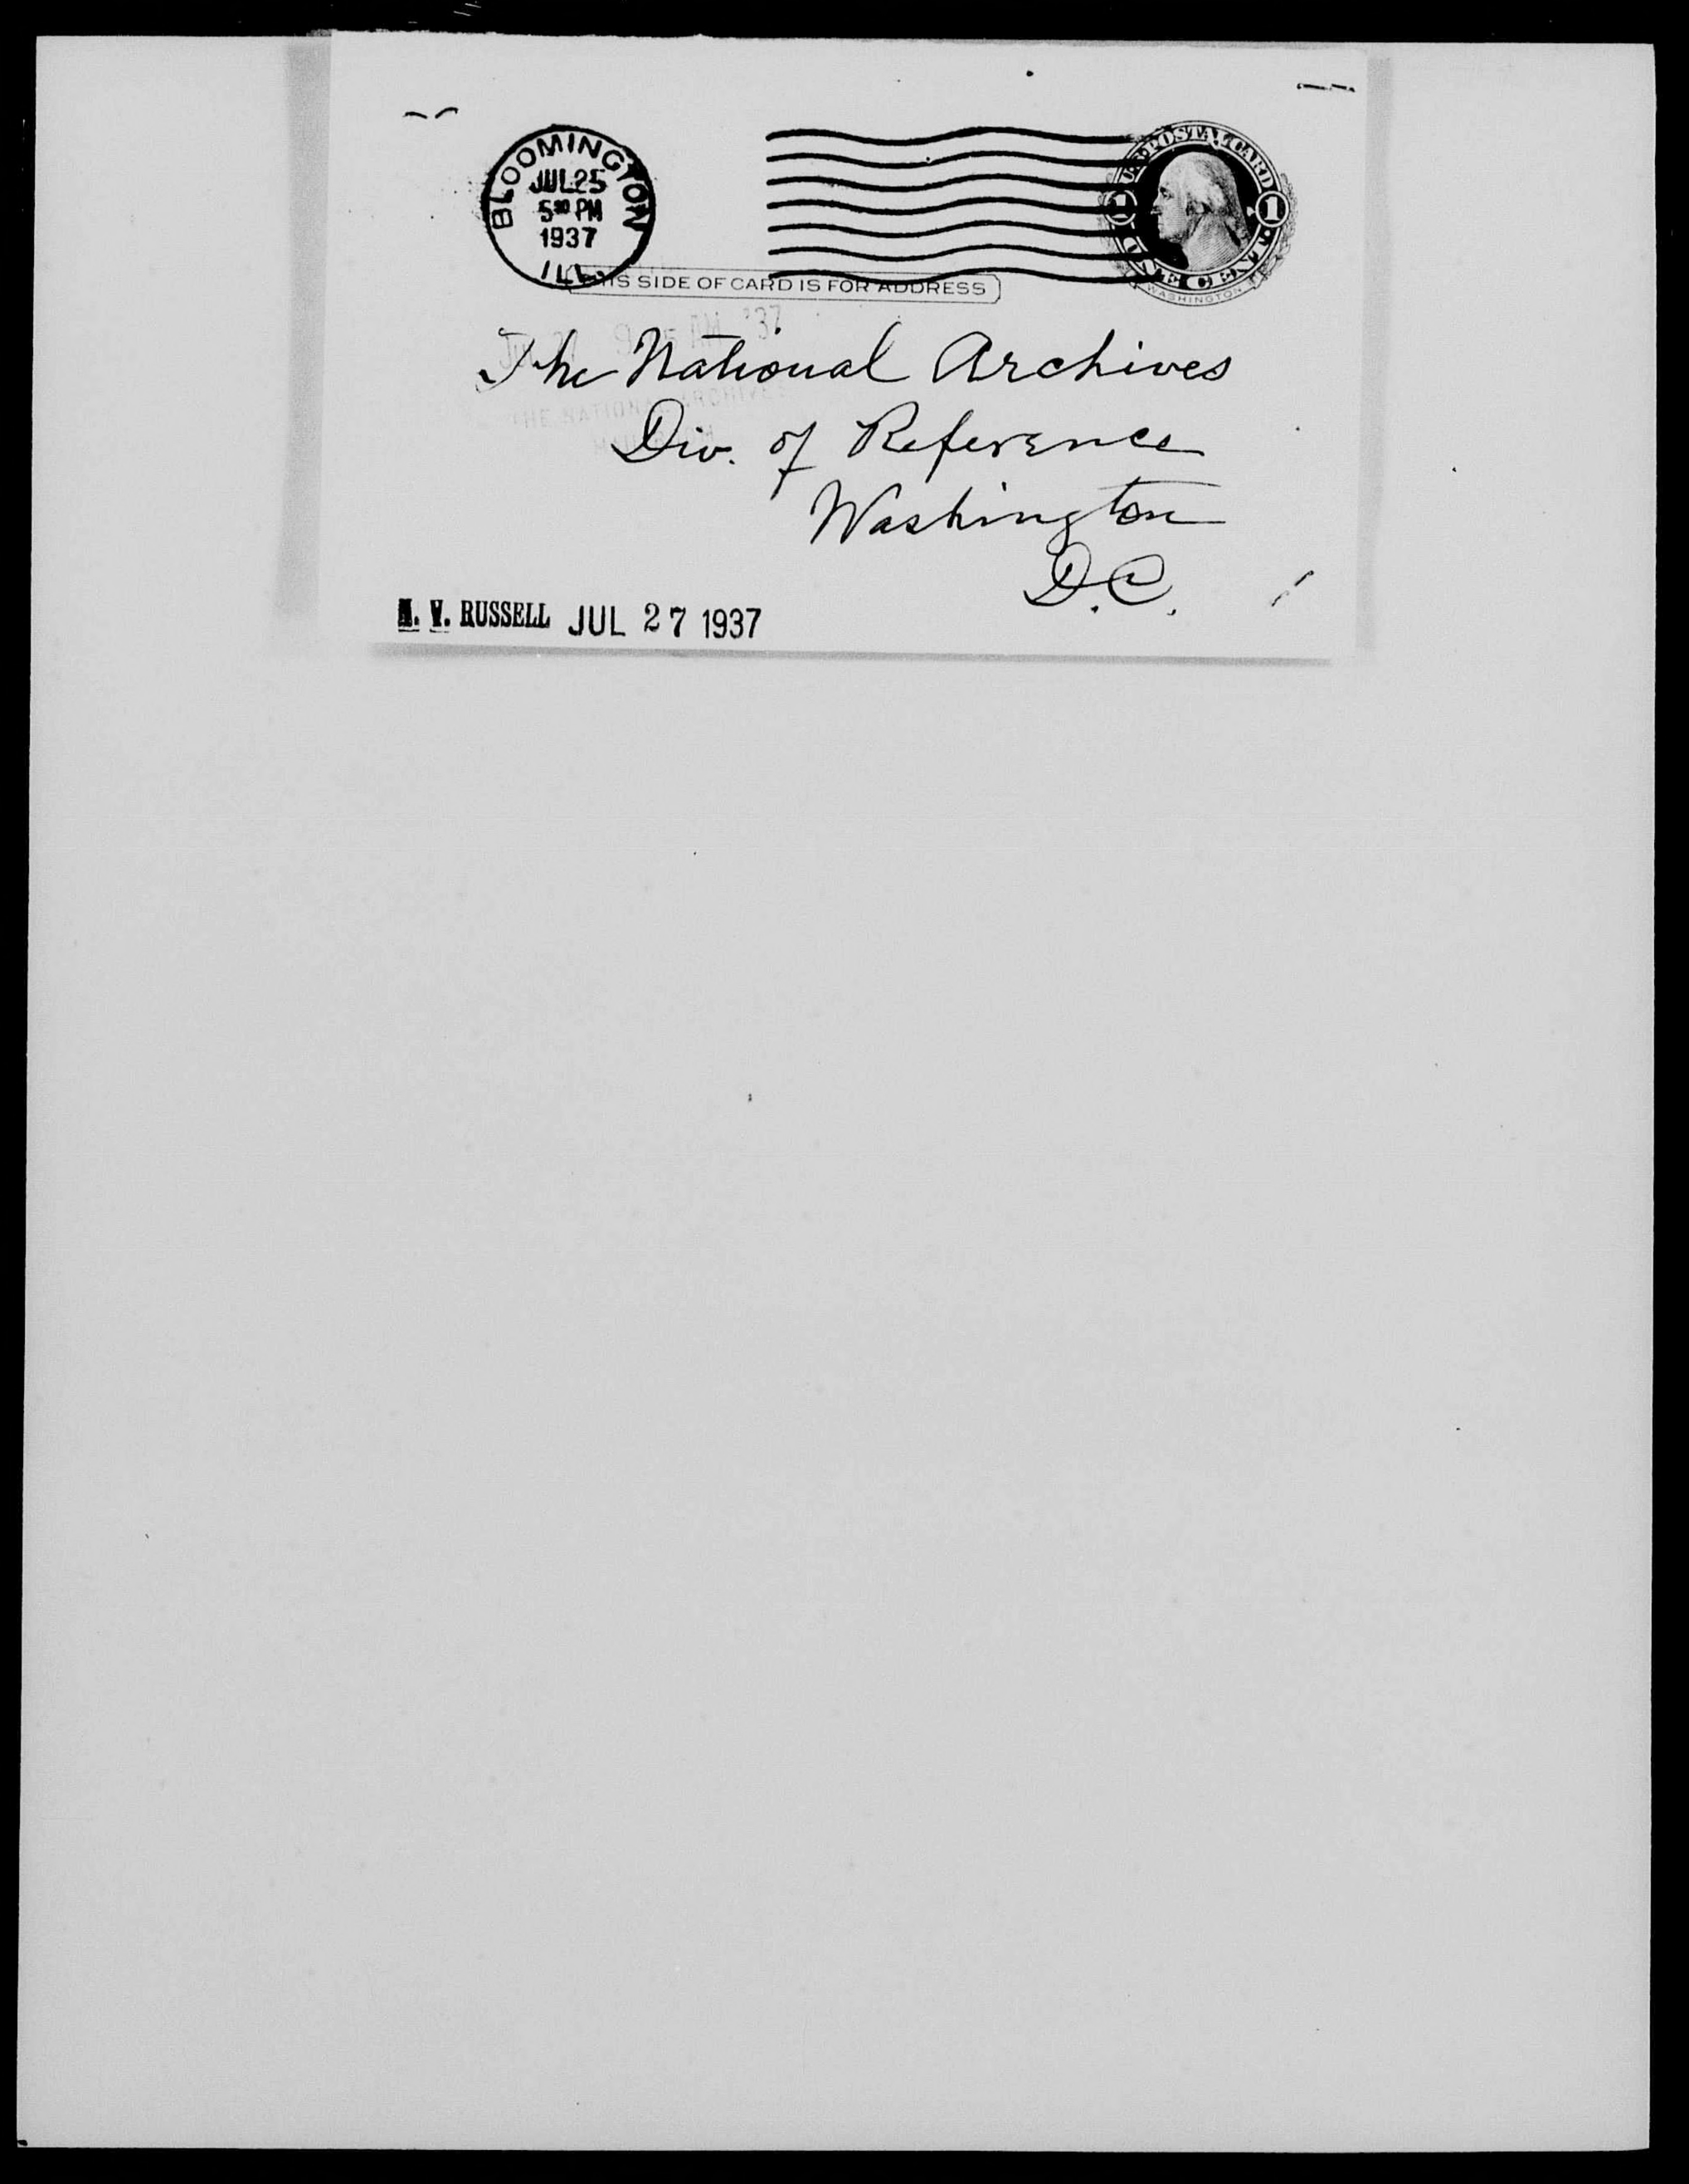BLOOMINGTON ILL.
JUL 25
500 PM
1937

The National Archives
Div. of Reference
Washington
D.C.

N. V. RUSSELL JUL 27 1937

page: 19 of 27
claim: survivor's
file: S. 5,955, for Thomas Pulliam, Virginia